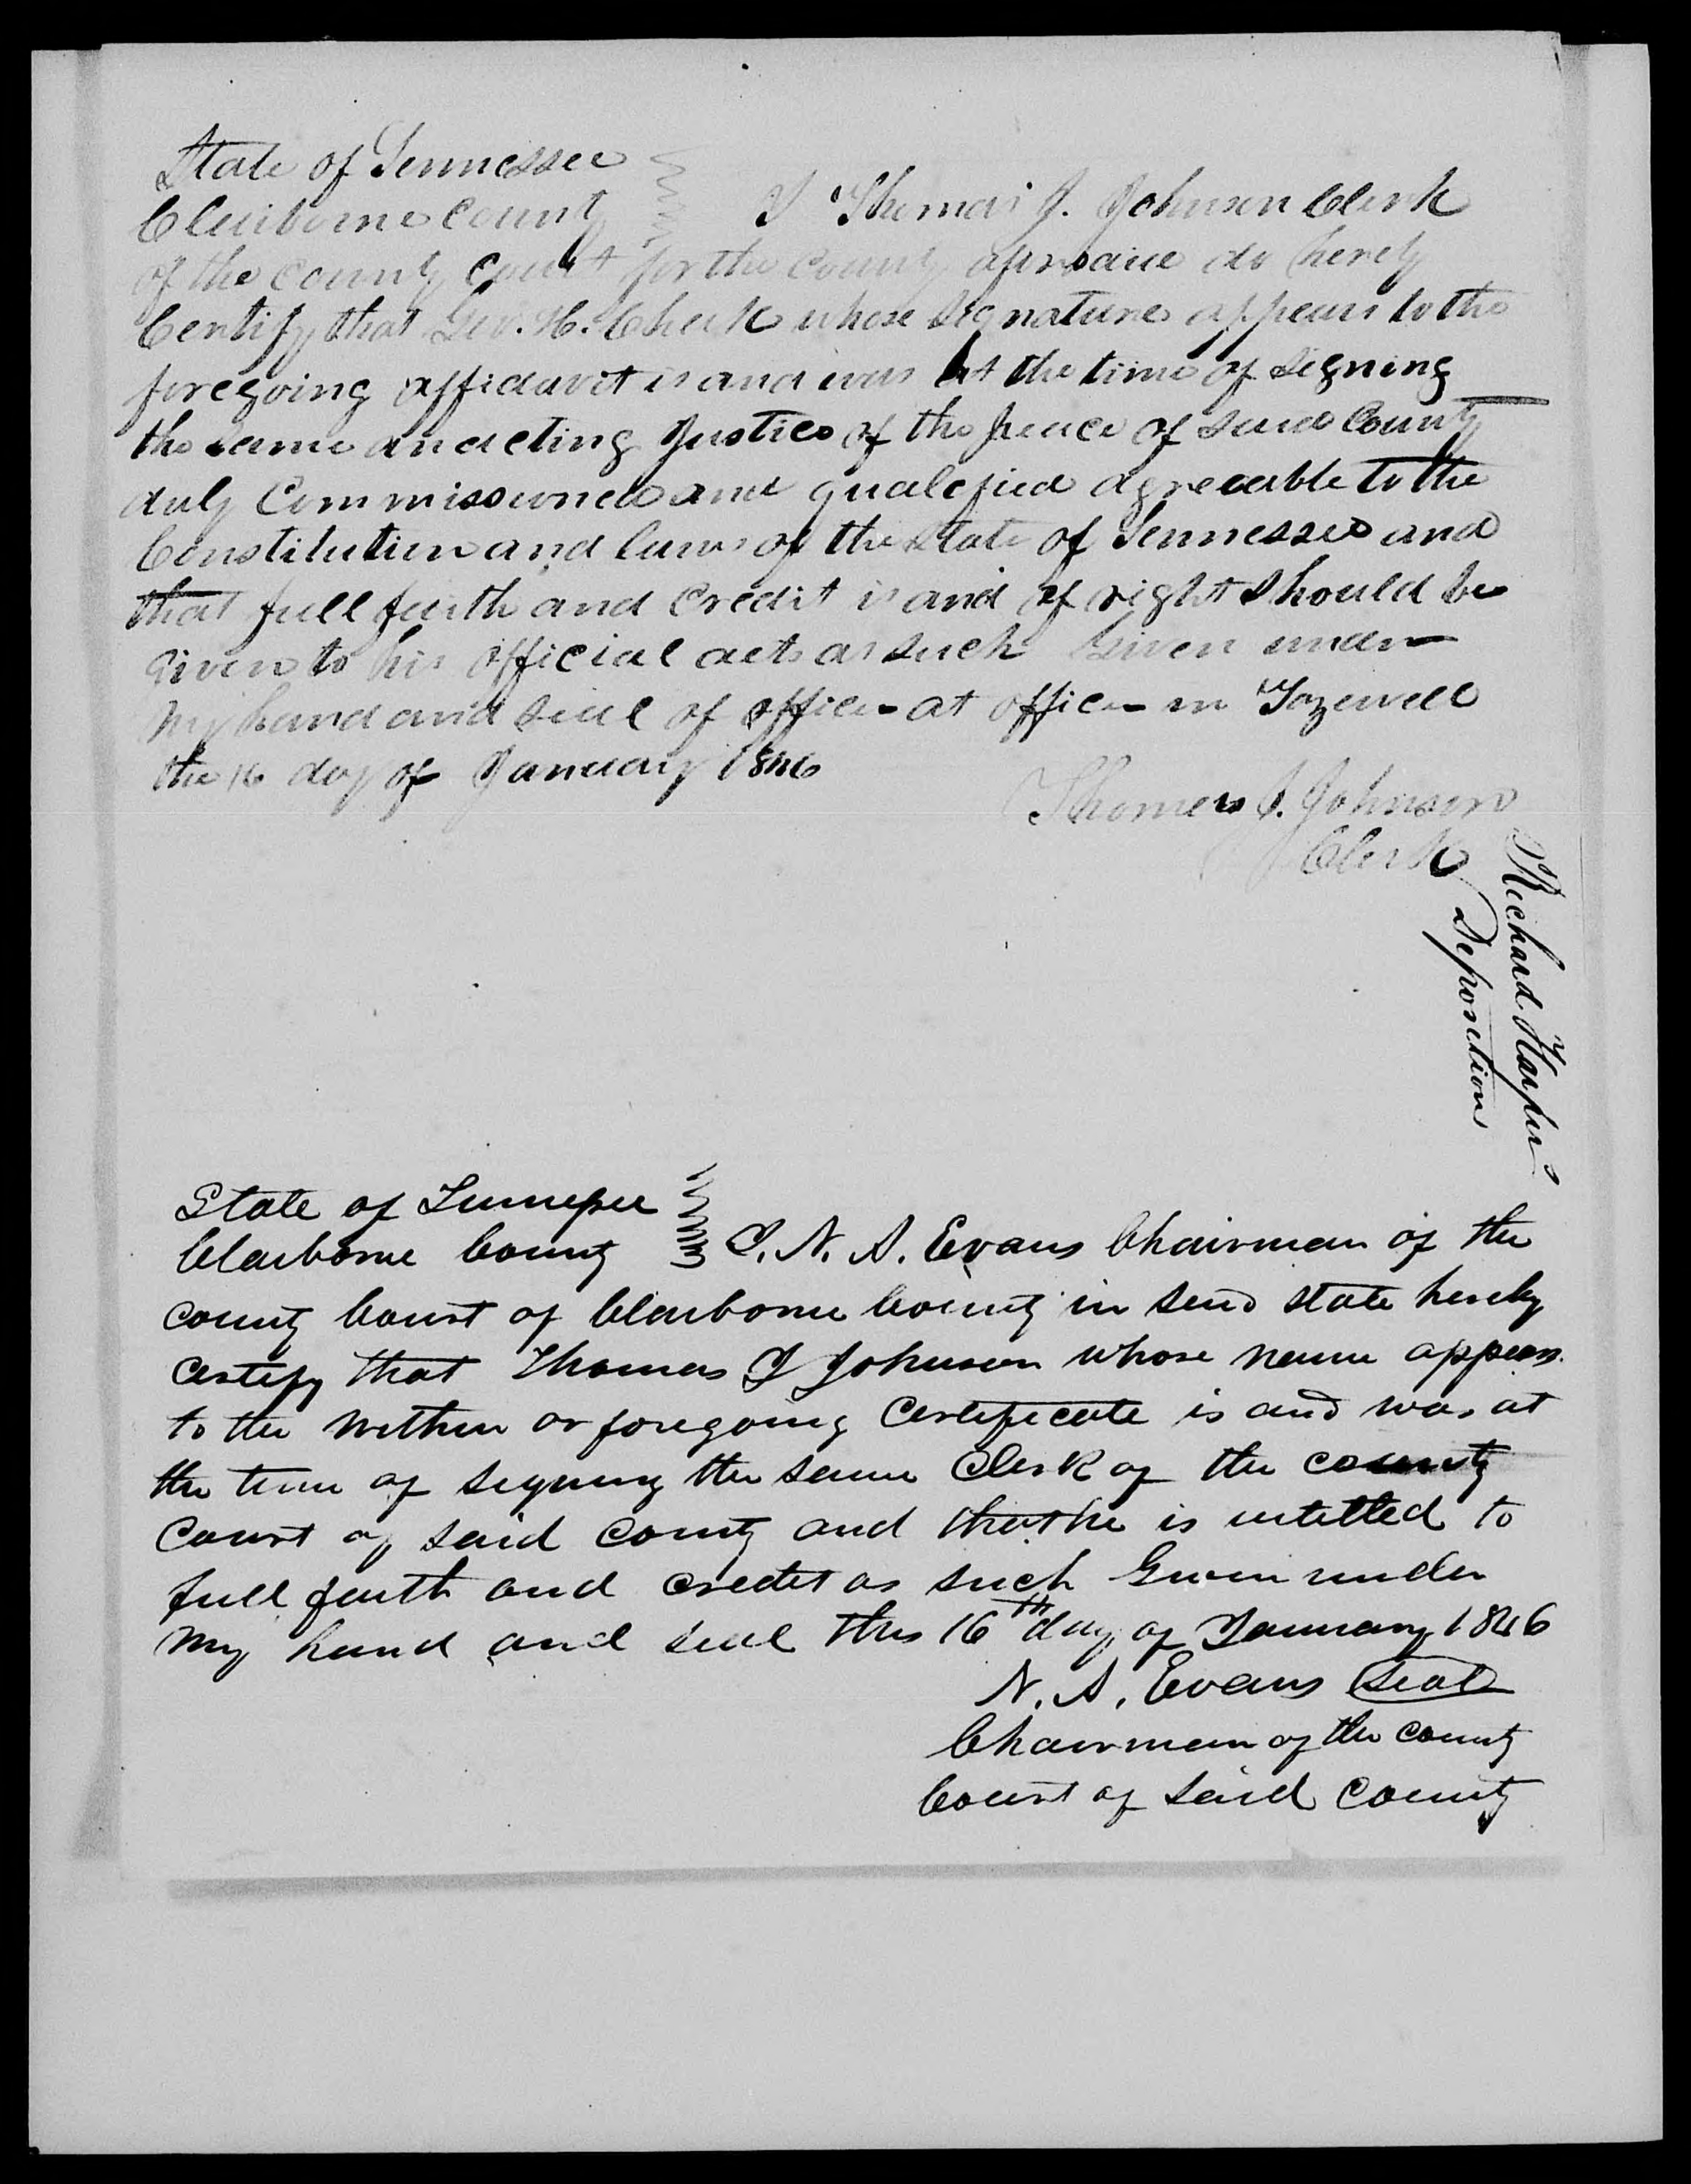State of Tennessee  )
Claiborne County    )
I Thomas J. Johnson Clerk
of the County Court for the court aforesaid do hereby
Certify that Geo. H. Cheek whose Signature appears to the
foregoing affidavit is and was at the time of signing
the same and acting Justice of the peace of said County
duly commissioned and qualified agreeable to the
Constitution and laws of the State of Tennessee and
that full faith and credit is and of right should be
given to his official acts as such Given under
my hand and seal of office-at office-in Tazewell
the 16 day of January 1846
Thomas J. Johnson
Clerk

[following written vertically right side]
Richard Haper
Deposition

State of Tennessee )
Claiborne County   )
I, N.S. Evans Chairman of the
County Court of Claiborne County in said state hereby
certify that Thomas J Johnson whose name appears
to the within or foregoing certificate is and was at
the time of signing the same Clerk of the County
Court of said County and that he is entitled to
full faith and credit as such Given under
my hand and seal this 16th day of January 1846
N. S. Evans (seal)
Chairman of the County
Court of said County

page: 60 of 120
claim: widow's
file: W. 1044, for Salathiel Martin, North Carolina